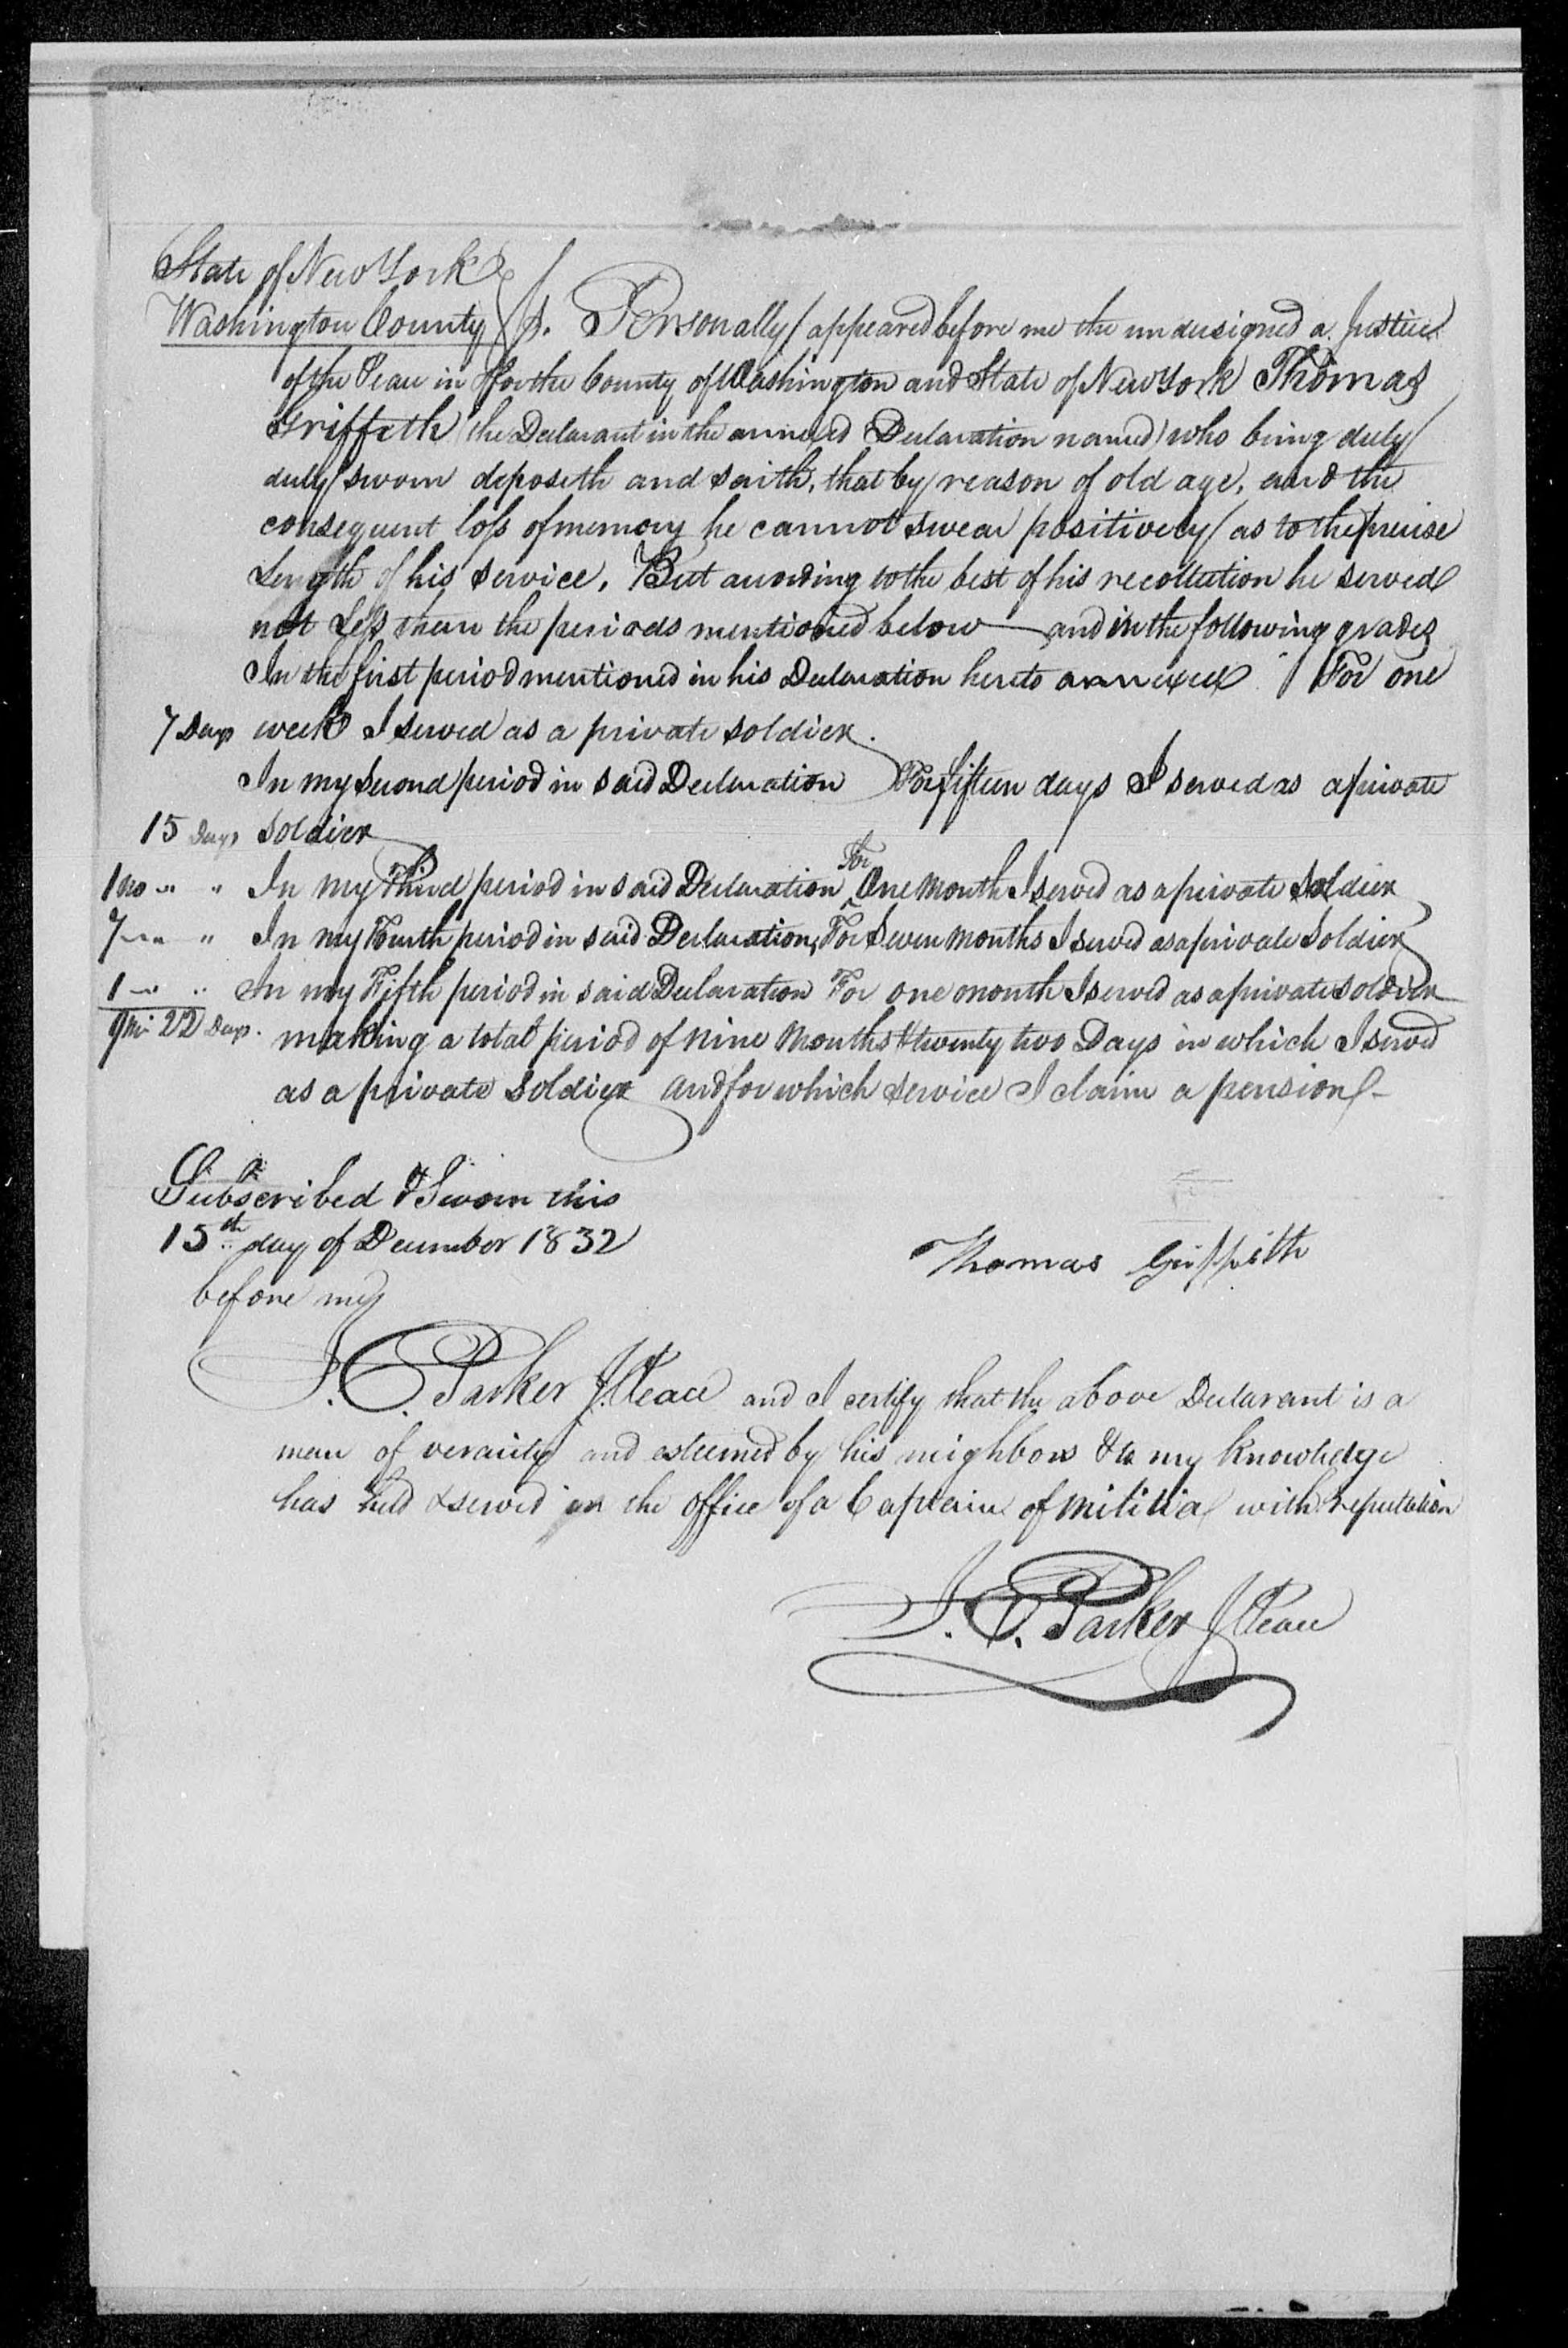State of New York Washington County ss
Personally appeared before me the undersigned a Justice of the Peace in & for the County of Washington and State of New York Thomas Griffith the declarant in the annexed declaration named who being duly duly sworn deposeth and saith, that by reason of old age, and the consequent loss of memory he cannot swear positively as to the precise length of his service. But according to the best of his recollection he served not less than the periods mentioned below - and in the following grades. In the first period mentioned in his declaration hereto annexed For one week I served as a private soldier. 
In my second period in said declaration For fifteen days I served as a private soldier
In my third period in said declaration, For one month I served as a private soldier
In my fourth period in said declaration, For seven months I served as a private soldier
In my fifth period in said declaration For one month I served as a private soldier making a total period of nine months & twenty two days in which I served as a private soldier and for which service I claim a pension.

(added in column form on left hand side) 7 days + 15 days + 1 mo + 7 mo + 1 mo = 9 mo 22 days
Thomas Griffith

Subscribed & sworn this 15th day of December 1832 before me
J. C. Parker J Peace

and I certify that the above declarant is a man of veracity and esteemed by his neighbors & to my knowledge has held & served in the office of a Captain of Militia with reputation
J. C. Parker J Peace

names: Thomas Griffith, J C Parker, J C Parker, Thomas Griffeth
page: 5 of 14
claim: survivor's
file: S. 23663, Thomas Griffith, New York Vt.